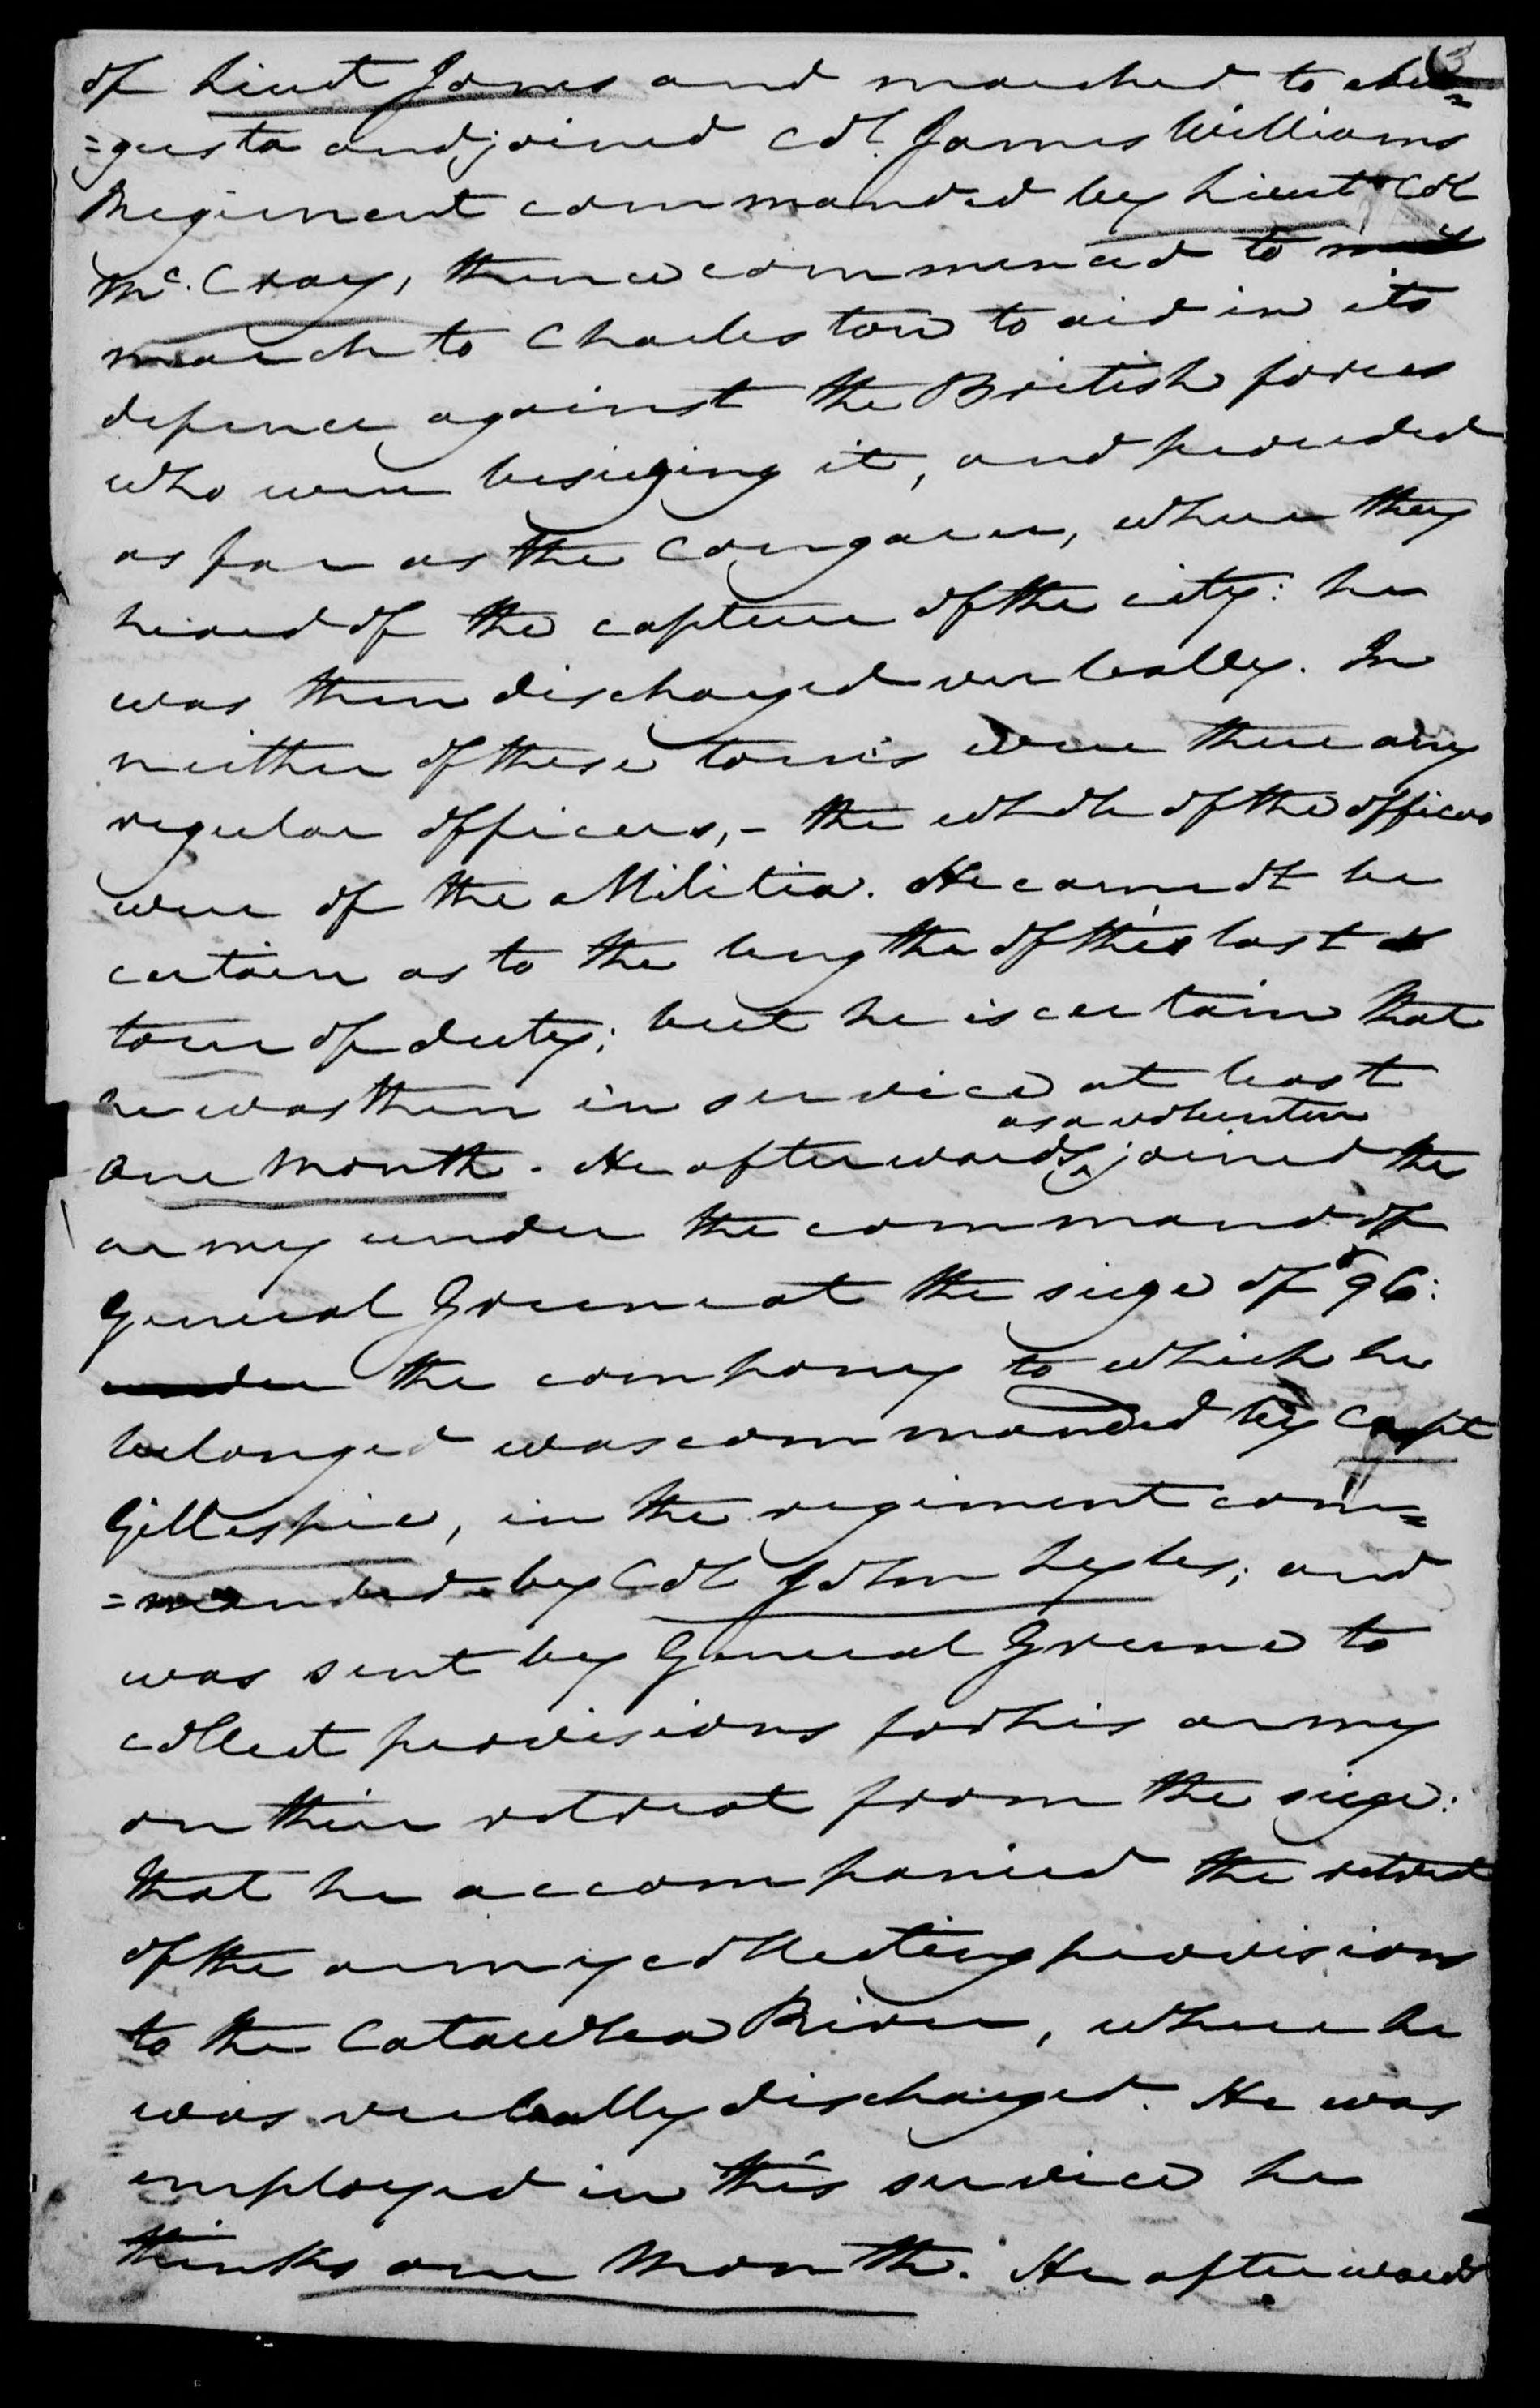3
of said Jones and marched to Augusta and joined Col James Williams regiment commanded by Lieut Col McCray thence commenced to march to Charleston to aid in its defense against the British forces who were besieging it and provided as far as the Congaree where they heard of the capture of the city he was then discharged verbally In neither of these towns was there any regular officers the whole of the officers were of the militia He cannot be certain as to the length of this last tour of duty but he is certain that he was then in services at least one month He afterwards as a volunteer joined the army under the command of General Greene at the siege of 96 the company to which he belonged was commanded by capt Gillespie in the regiment commanded by Col John Lyles and was sent by General Greene to collect provisions for his army on their retreat from the siege that he accompanied the [illegible] of the army collecting provisions to the Catawba River where he was verbally discharged He was employed in this service he thinks one month He afterward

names: Jones, Gillespie, John Lyles, Greene, Mc Cray, Greene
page: 5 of 13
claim: survivor's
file: S. 21,725, John Davis, S.C.